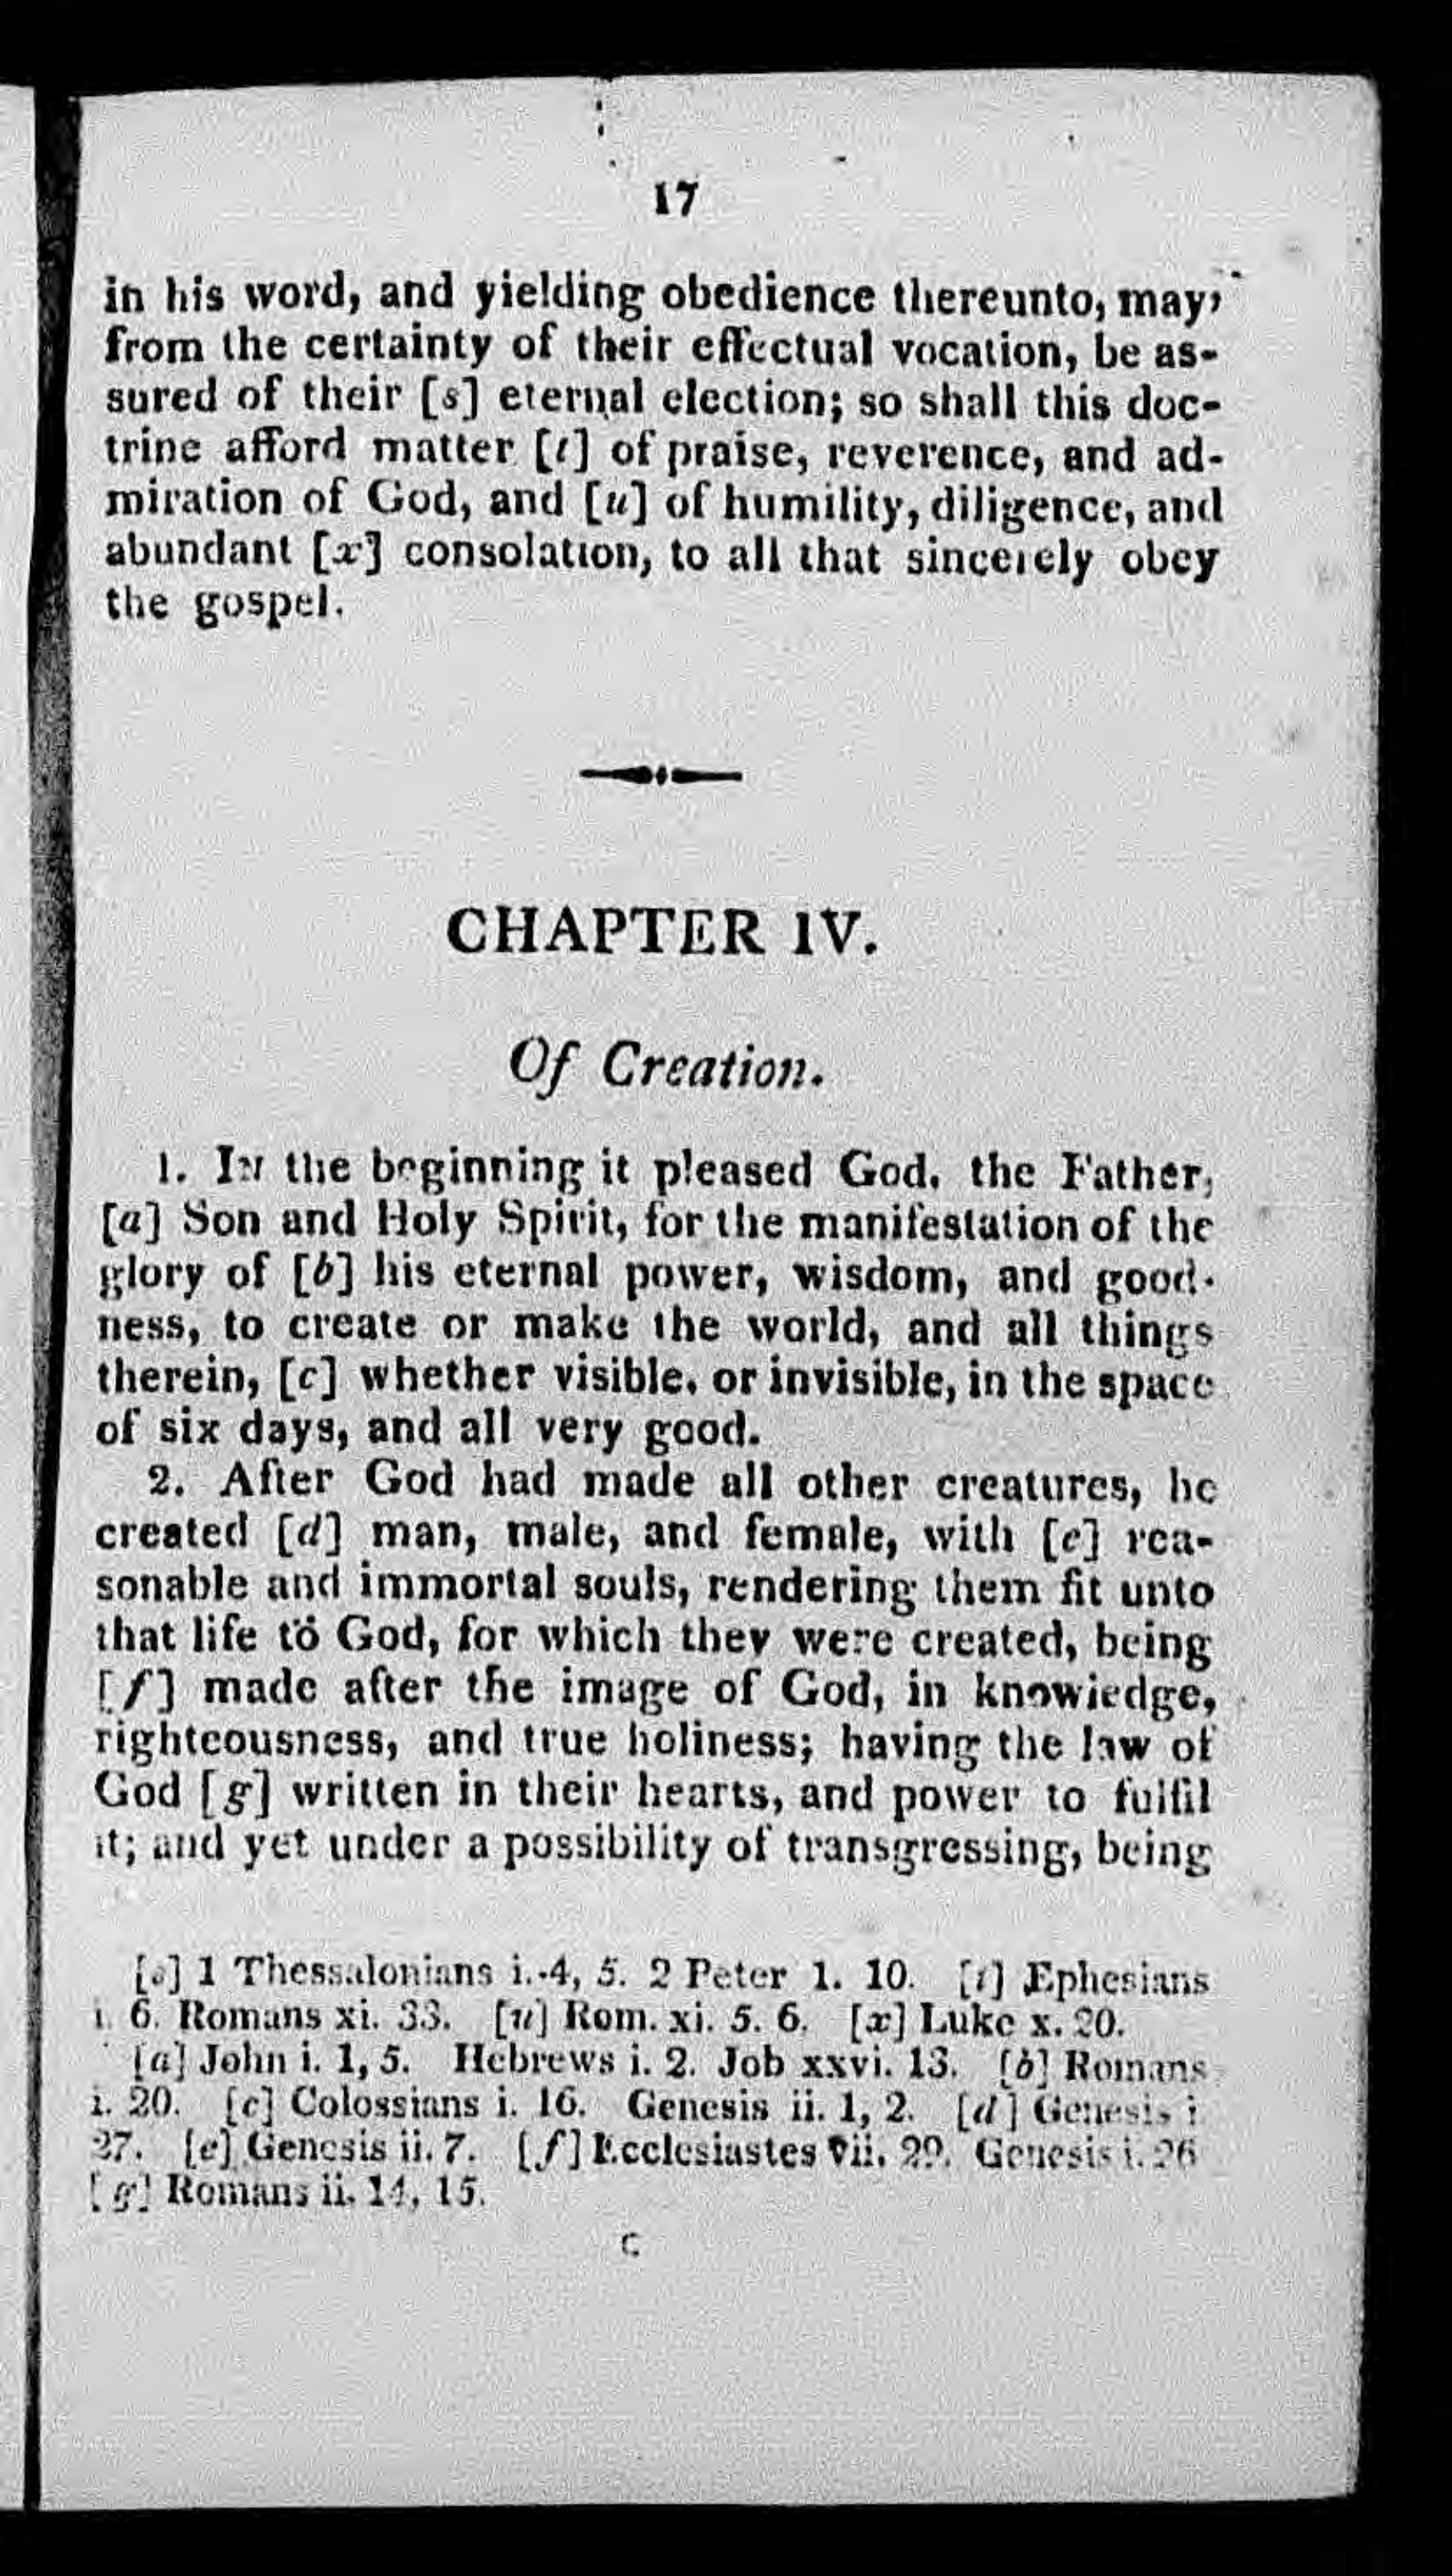17

in his word, and yielding obedience thereunto, may
from the certainty of their effectual vocation, be assured
of their [s]eternal election; so shall this doctrine
afford matter [t] of praise, reverence, and admiration
of God, and [u] of humility, diligence, and
abundant [x] consolation, to all that sincerely obey
the gospel.
---

CHAPTER IV.

Of Creation.

1. In the beginning it pleased God the Father,
[a] Son and Holy Spirit, for the manifestation of the
glory of [b] his eternal power, wisdom, and goodness
, to create or make the world, and all things
therein, [c]whether visible or invisible, in the space
of six days, and all very good.

2. After God had made all other creatures, he
created [d] man, male and female, with [e] reasonable
and immortal souls, rendering them fit unto
that life to God, for which they were created, being
[f] made after the image of God, in knowledge,
righteousness, and true holiness; having the law of
God [g] written in their hearts, and power to fulfil
it; and yet under a possibility of transgressing, being

[e]1 Thessalonians i. 4, 5. 2 Peter 1. 10. [f] Ephesians
i6. Romans xi. 33. [u] Rom. xi. 5. 6. [ x] Luke x. 20.
[a]John 11, 5. Hebrews i. 2. Job xxvi. 13. [b] Romans
20. [e]Colossians i. 16. Genesis ii. 1, 2. [d] Genesis
27, [e] Genesis i. 2.[f] Ecclesiastes vil, 29, Genesis 26
[g]Romans ii, 14, 15.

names: Luke, Job, John, Peter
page: 20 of 98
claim: widow's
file: W. 8398, William Broadway, S.C.